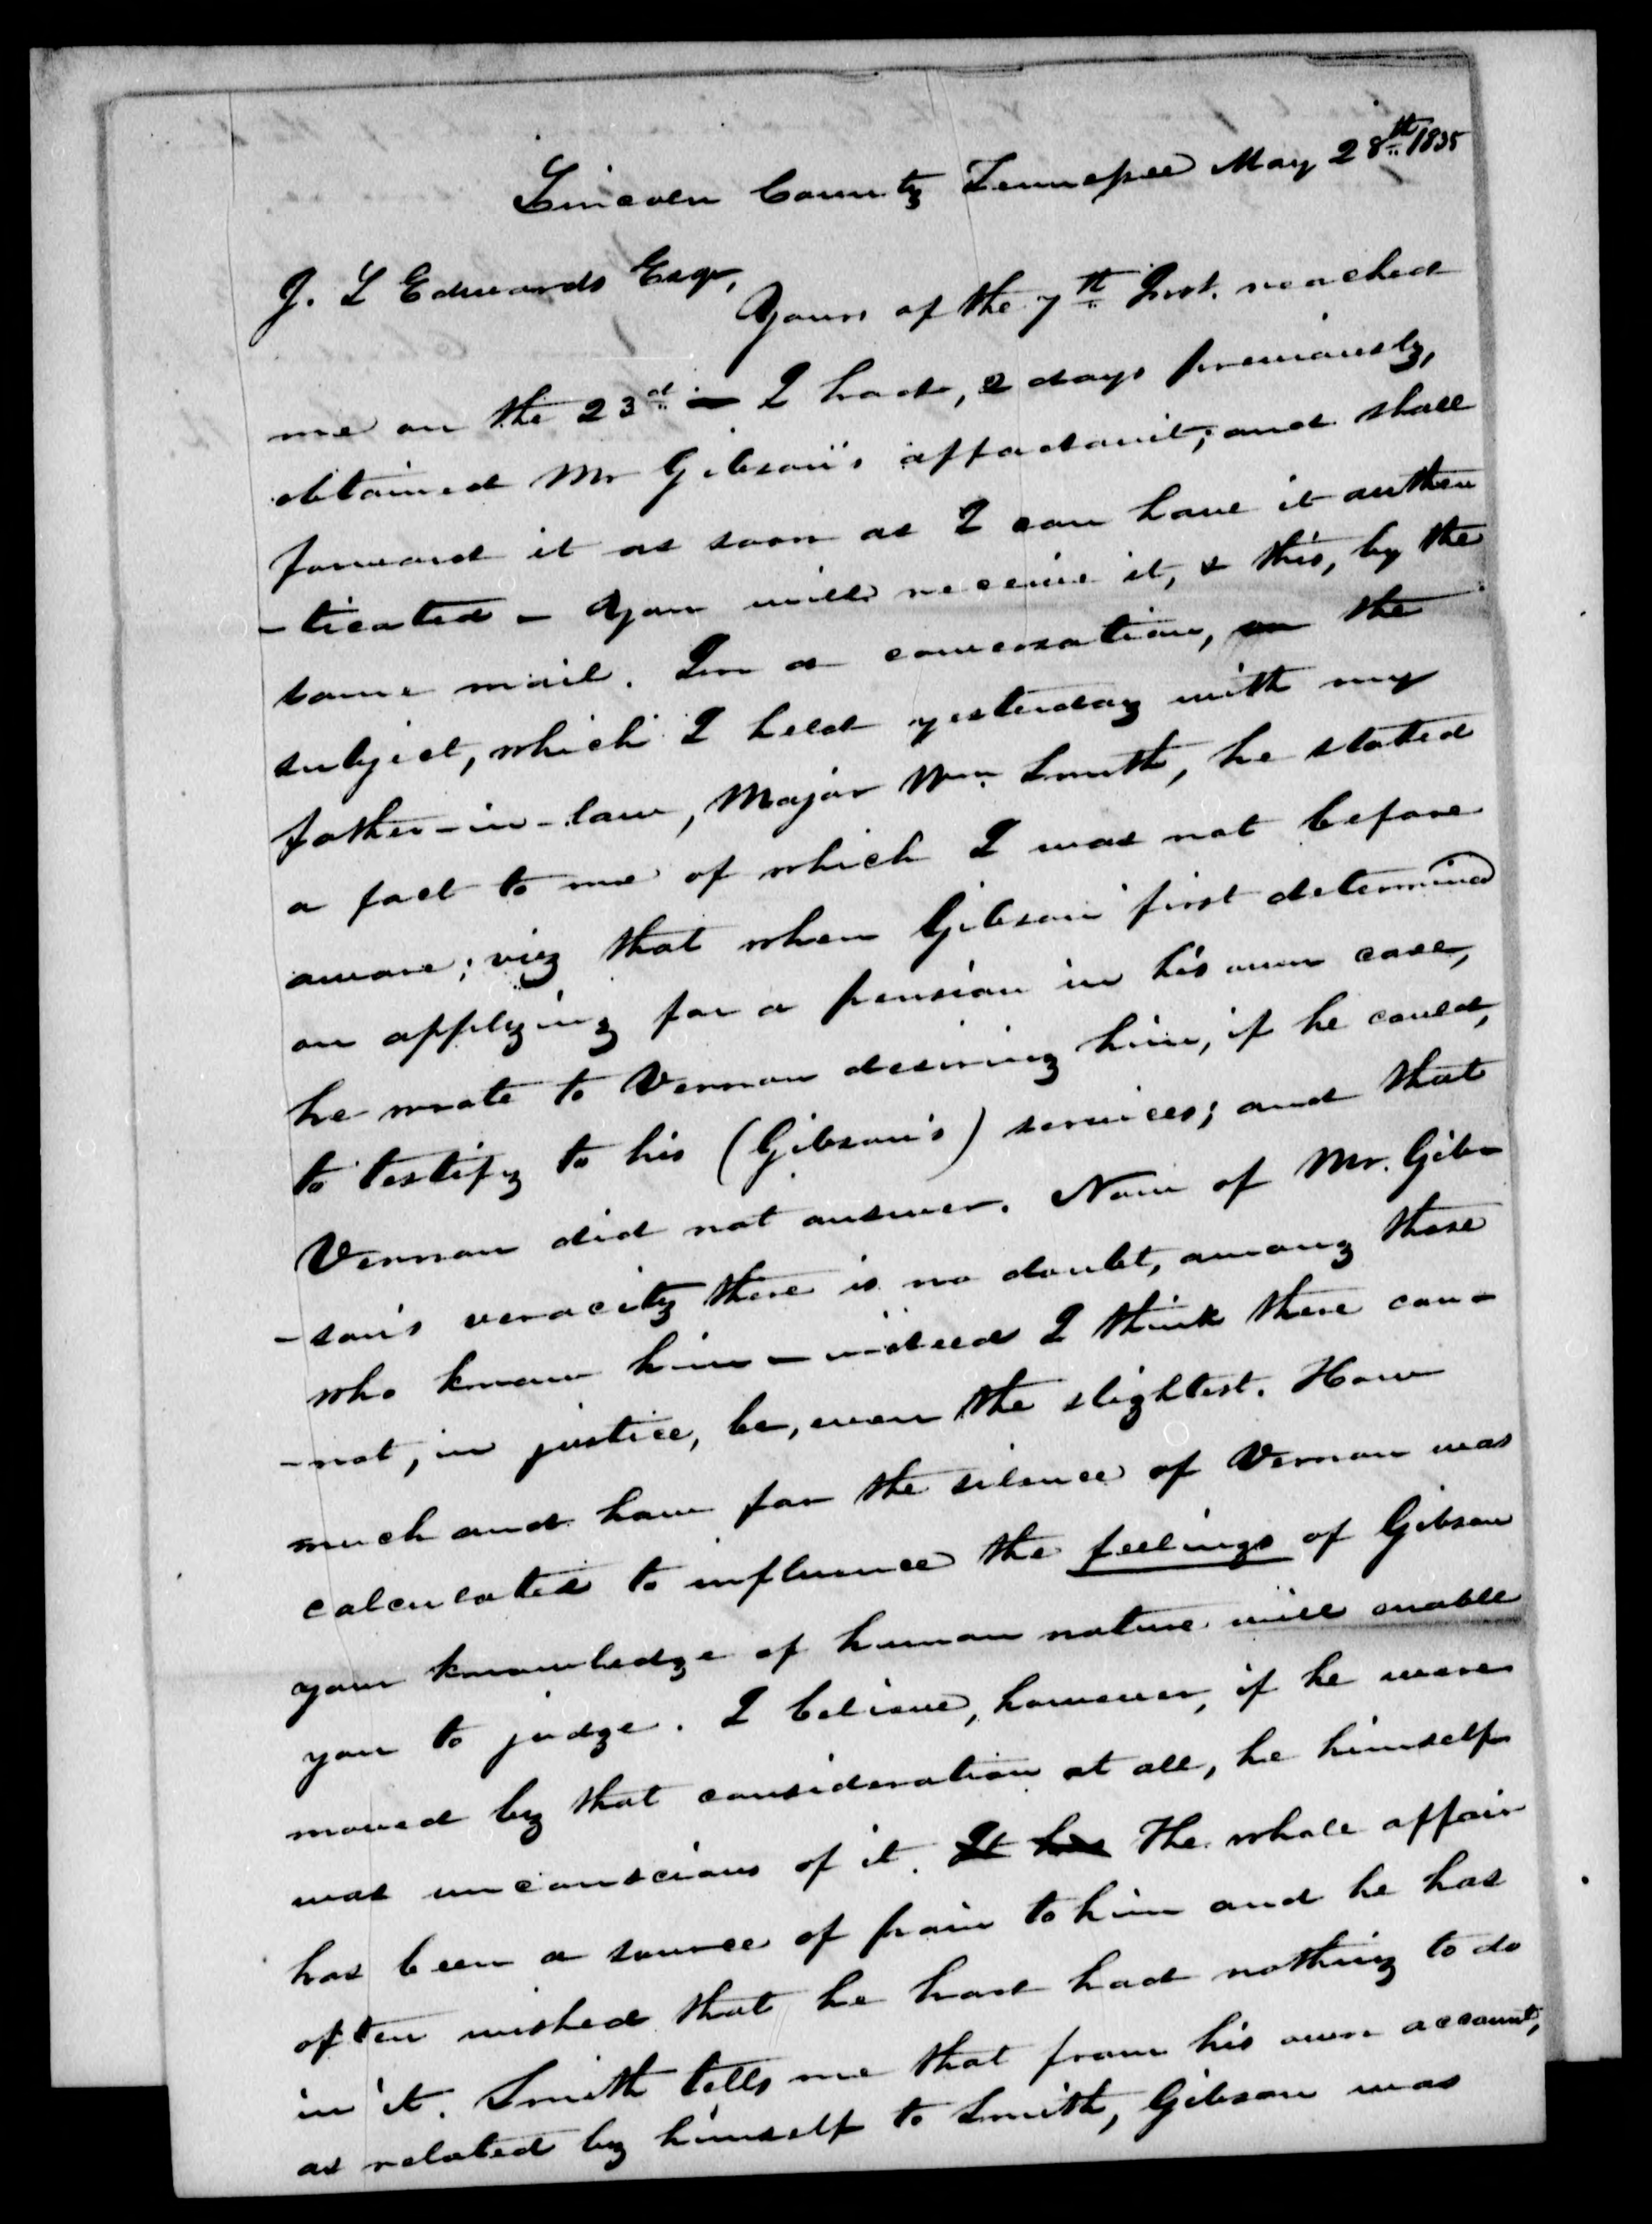Lincoln County Tennessee May 28th 1835

J. L. Edwards Esq,

Yours of the 7th Just reached me on the 23rd – I had, 2 days previously, obtained Mr. Gibson’s affidavit; and shall forward it as soon as I can have it authenticated – you will receive it, & this by the same mail.  In a conversation, the subject, which I held yesterday with my father-in-law, Major Wm. Smith, he stated a fact to me of which I was not before aware; viz that when Gibson first determined on applying for a pension in his own case, he wrote to Vernon desiring  him, if he could, to testify to his (Gibson’s) services; and that Vernon did not answer. Name of Mr. Gibson’s veracity there is no doubt, among those who know him - indeed I think there cannot, in justice, be, even the slightest.  How much and how plan the silence of Vernon was calculated to influence the feelings of Gibson your knowledge of human  nature will enable you to judge. I believe, however, if he were moved by that consideration at all, he himself was unconscious of it. The whole affair has been a source of pain to him and he has often wished that he had had nothing to do in it.  Smith tells me that from his own account,  as related by himself to Smith, Gibson was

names: Gibson, Gibson, Gibson, Gibson, Smith, Vernon, Vernon, Gibson, Gibson, Vernon, Wm Smith, J L Edwards, Smith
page: 55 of 105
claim: survivor's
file: S. 1883, Richard Vernon, N.C.